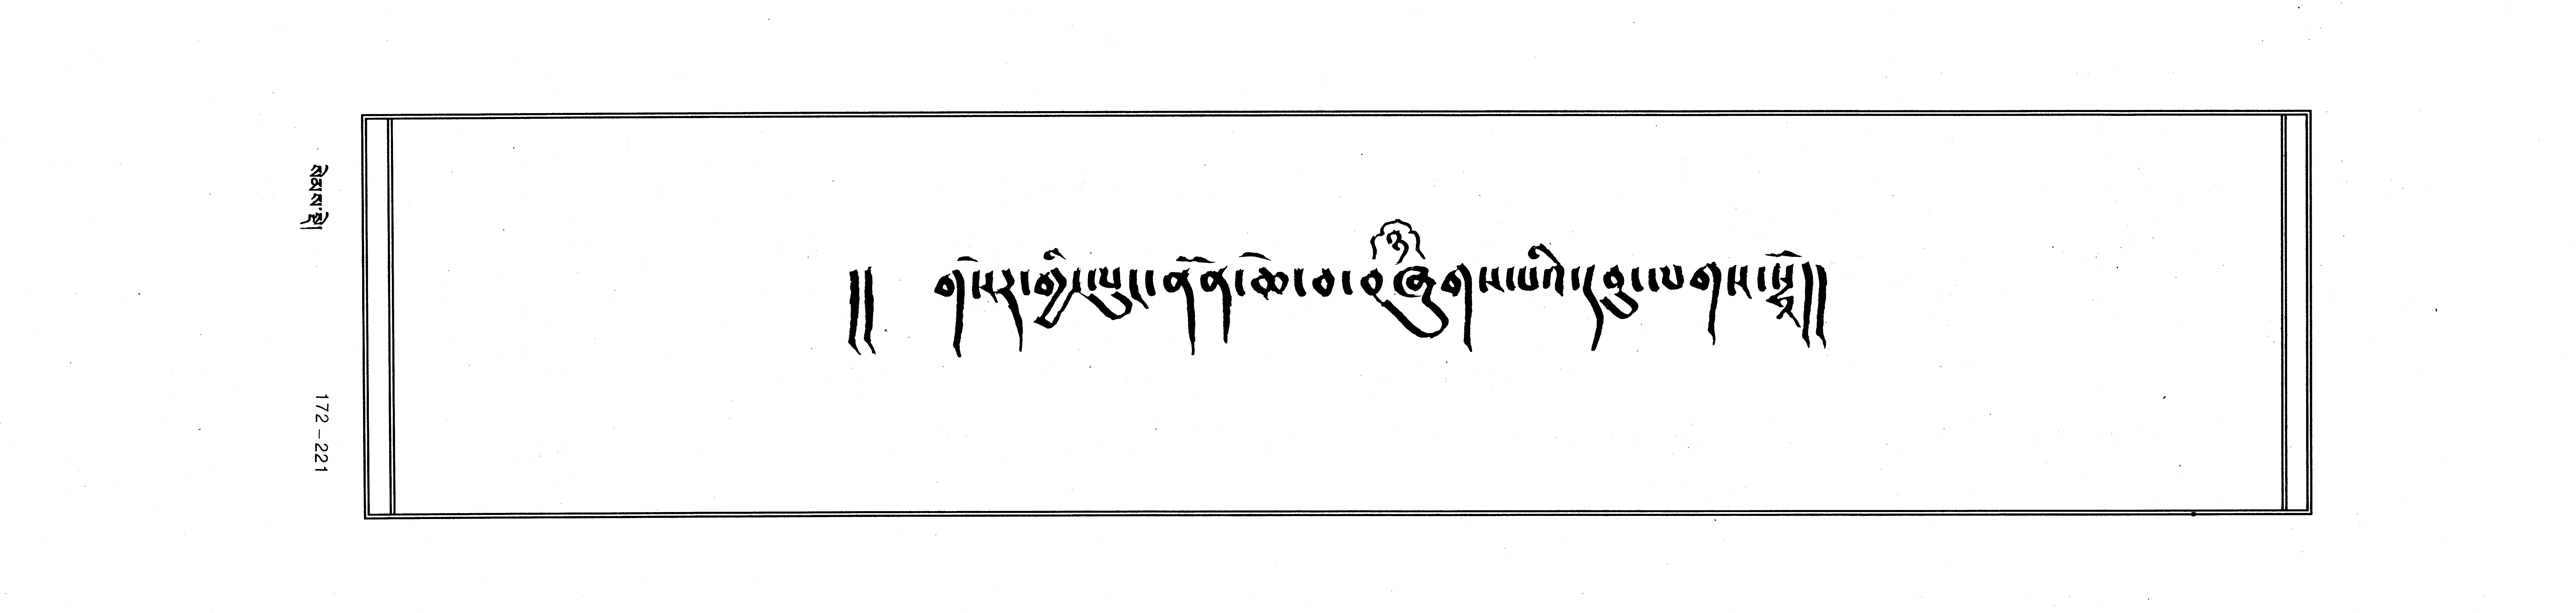ཉ༽གསེར་གྱི་ལུང་ནོན་ཆེ་བ་བཞུགས་པའི་དབུ་ལགས་སྷཱོ།།